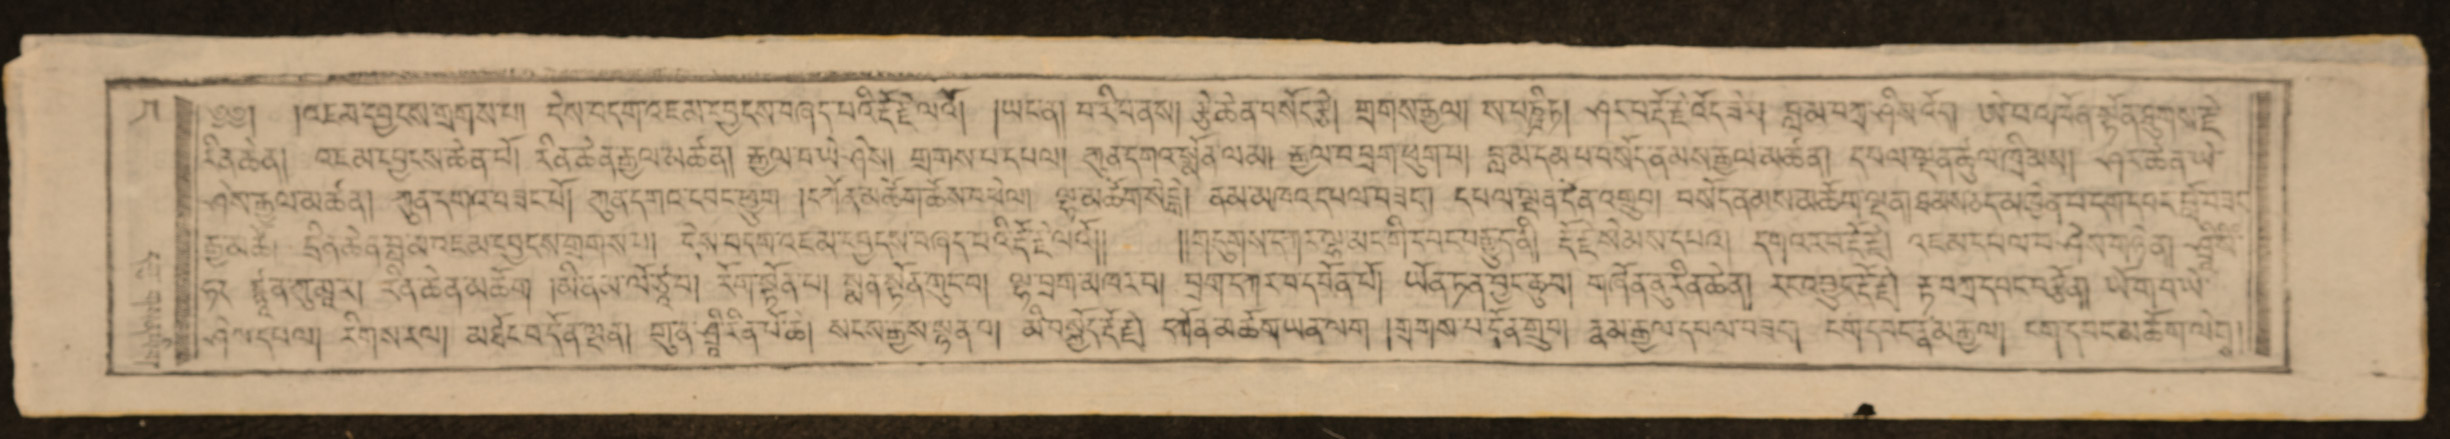༄༅། །འཇམ་དབྱངས་གྲགས་པ། དེས་བདག་འཇམ་དབྱངས་བཞད་པའི་རྡོ་རྗེ་ལའོ། །ཡང་ན། བ་རི་པ་ནས། རྩེ་ཆེན་བསོད་རྩེ། གྲགས་རྒྱལ། ས་པཎྜི་ཏ། ཤར་པ་རྡོ་རྗེ་འོད་ཟེར། བླ་མ་བཀྲ་ཤིས་འོད། ཨེ་པ་འཁོན་སྟོན་ཐུགས་རྗེ་
རིན་ཆེན། འཇམ་དབྱངས་ཆེན་པོ། རིན་ཆེན་རྒྱལ་མཚན། རྒྱལ་བ་ཡེ་ཤེས། གྲགས་པ་དཔལ། ཀུན་དགའ་སྨོན་ལམ། རྒྱལ་བ་བྲག་ཕུག་པ། བླ་མ་དམ་པ་བསོད་ནམས་རྒྱལ་མཚན། དཔལ་ལྡན་ཚུལ་ཁྲིམས། ཤར་ཆེན་ཡེ་
ཤེས་རྒྱལ་མཚན། ཀུན་དགའ་བཟང་པོ། ཀུན་དགའ་དབང་ཕྱུག། །དཀོན་མཆོག་ཆོས་འཕེལ། ལྷ་མཆོག་སེངྒེ། ནམ་མཁའ་དཔལ་བཟང་། དཔལ་ལྡན་དོན་འགྲུབ། བསོད་ནམས་མཆོག་ལྡན། ཐམས་ཅད་མཁྱེན་པ་དག་དབང་བློ་བཟང་
རྒྱ་མཚོ། དྲིན་ཆེན་བླ་མ་འཇམ་དབྱངས་གྲགས་པ། དེས་བདག་འཇམ་དབྱངས་བཞད་པའི་རྡོ་རྗེ་ལའོ།། །།གདུགས་དཀར་ལྷ་མང་གི་དབང་བརྒྱུད་ནི། རྡོ་རྗེ་སེམས་དཔའ། དགའ་རབ་རྡོ་རྗེ། འཇམ་དཔལ་བཤེས་གཉེན། ཤྲ་ས་
ཧ༑ ཛྙཱ་ཀུ་མཱར། རིན་ཆེན་མཆོག །མི་ནམ་ལོ་ཙཱ་བ། རོག་སྟོན་པ། སྨན་སྟོན་གུང་བ། ལྷ་བྲག་མཁར་བ། བྲག་དཀར་བ་དབོན་པོ། ཡོན་ཏན་བྱང་ཆུབ། གཞོན་ནུ་རིན་ཆེན། རང་འབྱུང་རྡོ་རྗེ། རྟ་བཀ་དབང་བརྩོན། ཡོ་ག་བ་ཡེ་
ཤེས་དཔལ། རིགས་རལ། མཐོང་བ་དོན་ལྡན། གུ་ན་ཤྲཱི་རིན་པོ་ཆེ། སངས་རྒྱས་སྙན་པ། མི་བསྐྱོད་རྡོ་རྗེ། དཀོན་མཆོག་ཡན་ལག །གྲགས་པ་དོན་གྲུབ། རྣམ་རྒྱལ་དཔལ་བཟང་། ངག་དབང་རྣམ་རྒྱལ། ངག་དབང་མཆོག་ལེགས།